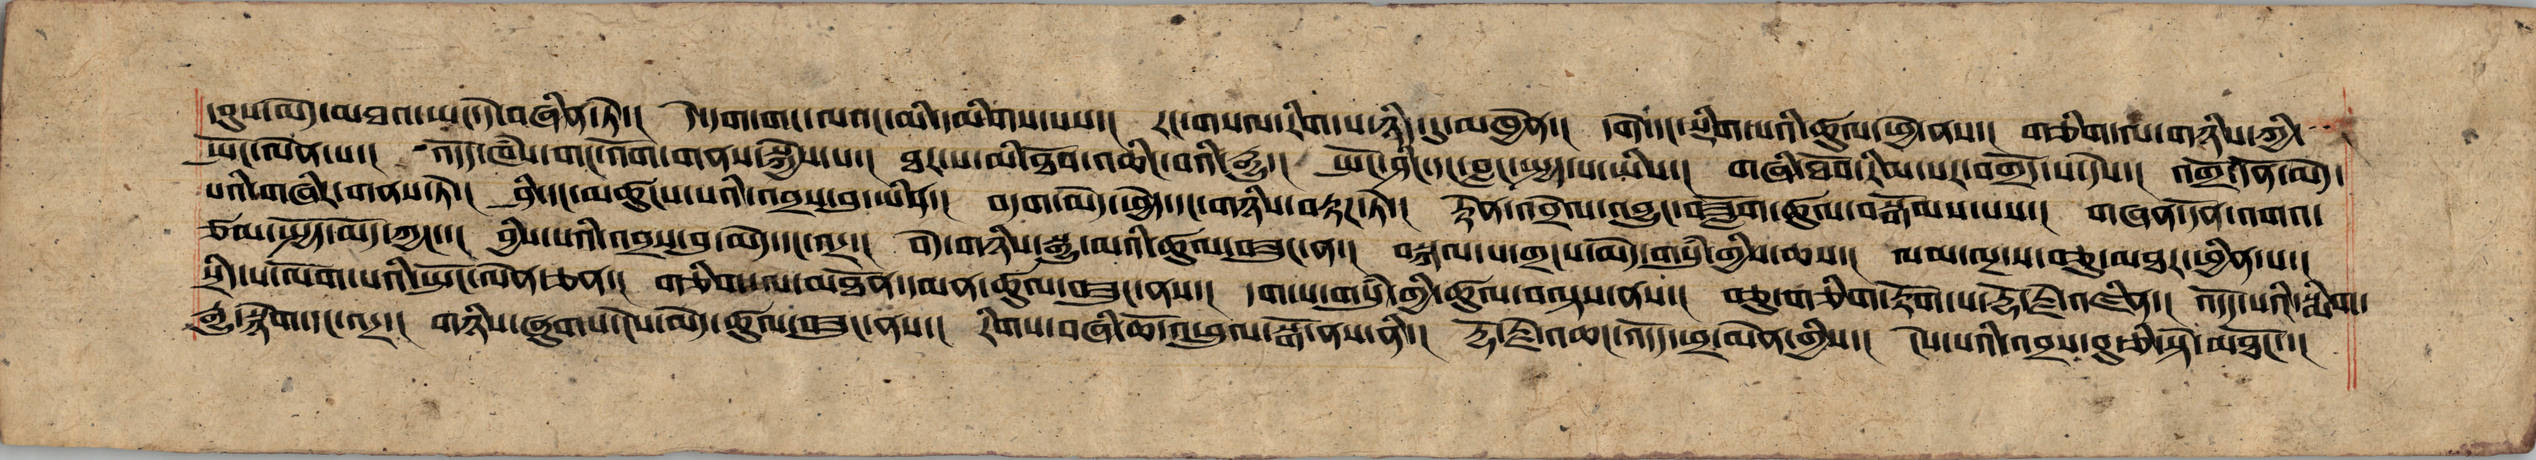དབུས་མེད་མཐའ་ཡང་དེ་བཞིན་ཏེ་། དེ་དག་གང་ལའང་མི་དམིགས་པས་། རང་གསལ་རིག་པ་ཉིད་དུ་མཁྱེན་། དགེ་དང་སྡིག་པའི་ཚུལ་ཕྱེ་ནས་། གཅིག་ལ་གཉིས་ཀྱི་
སྤོང་ལེན་པ་། འདོད་ཁཾས་གངོ་འོག་གནས་སྐྱེས་པ་། ཐར་པ་མི་ཐོབ་འཆིང་བའི་རྒྱུ་། སྤོང་ཤིང་དང་བླང་སྤྱད་པ་ཡིས་། གཞི་ཐོབ་རིམ་པར་བགྲོད་པ་དེས་། འགྲོ་དོན་མེད་
པའི་གཞིར་གནས་ཏེ་། ཤི་དང་མཚུངས་པའི་འབྲས་བུ་ཡིན་། བདག་མེད་ཕྱེད་དང་གཉིས་བརྟཌ་ཏེ་། རྟེན་འབྲེལ་འབྱུང་བཟློག་ཚུལ་བསྒོམས་པས་། གཞན་དོན་འགའ་
ཙམ་སྤྱོད་མོད་ཀྱང་་། བྱིས་པའི་འབྲས་བུ་མེད་དང་འདྲ་། བདེ་གཉིས་སྒྱུ་མའི་ཚུལ་བཟུང་ན་། བསྐལ་པ་གྲངས་མེད་གསུཾ་གྱིས་ཆབ་། ལམ་ལྔ་ས་བཅུ་མཐར་ཕྱིན་པ་།
སྲིད་པ་ལོག་པའི་སྤོང་ལེན་ཅན་། གཅིག་ལ་མཐོན་དམན་ཚུལ་བཟུང་ནས་། དག་པ་གསུཾ་གྱི་ཚུལ་བལྟས་ནས་། བཅུ་གཅིག་རྟོག་པ་རྡོ་རྗེ་འཛིན་། འདོད་པའི་སྨིག་
རྒྱུ་སྙོག་དང་འདྲ་། གཉིས་ཞུགས་ངེས་མེད་ཚུལ་བཟུང་ནས་། རིགས་བཞི་ཆོ་འཕྲུལ་སྒོ་ནས་ནི་། རྡོ་རྗེ་འཆང་འདོད་ཕྲ་མེན་གྱིས་། ངེས་པའི་འབྲས་བུ་ཅི་སྟེ་མཐོང་་།